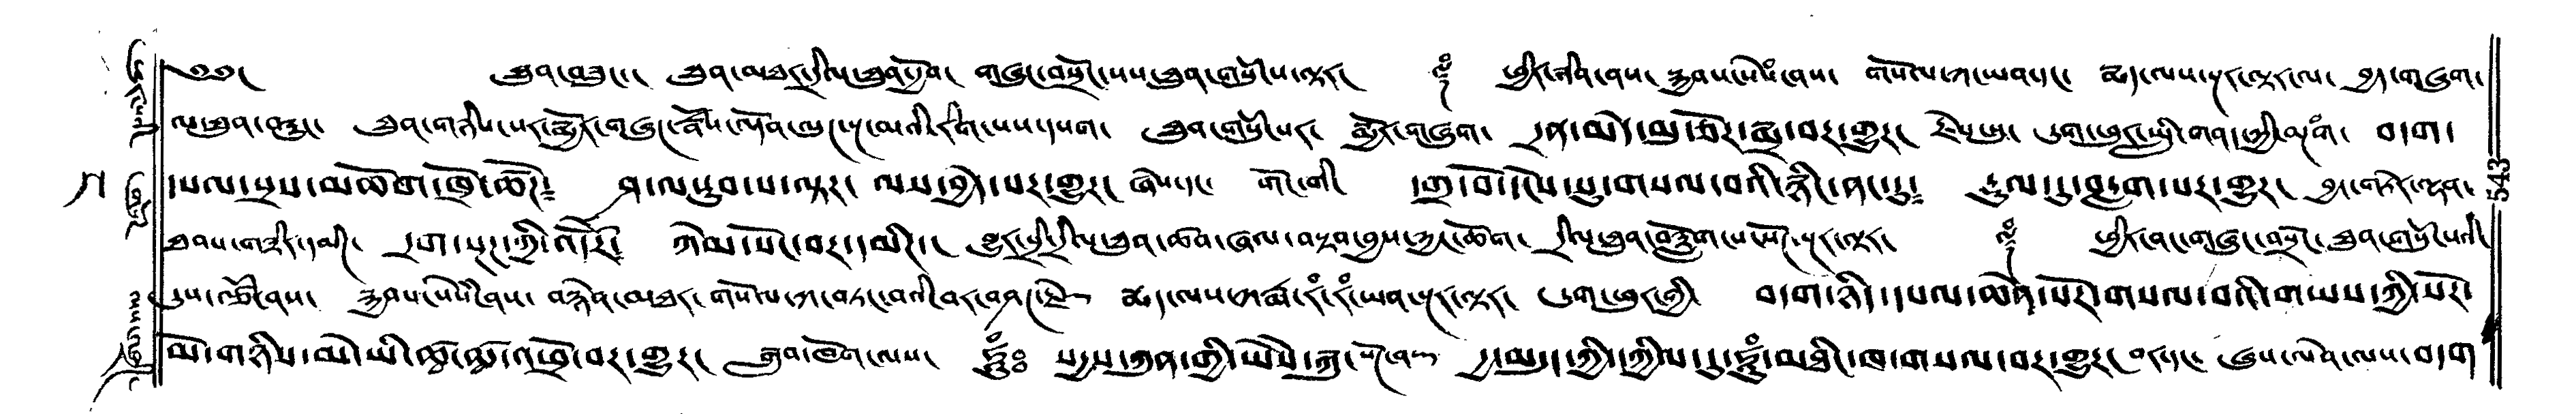ཐུན་གཟུང་། ཐུན་མཐར་དྲིལ་ཐུན་རྒྱོབ། གཞུང་སྲོང་པས་ཐུན་གསུམ་པ་ལྟར། ༈ ཕྱི་ཉིན་སྐྱབས་སེམས་ནས། གསོལ་ཀ་ཡན་དང་། སྨད་ལས་སྔར་ལྟར་ལ། བྱད་གཞུག་
ལ་ཐུན་གཟུང་། ཐུན་གཉིས་པར་སྨྱོར་གཞུག་རྣམས་འདོན་ལུགས་སྔ་མའི་རིགས་པས་དཔག ཐུན་གསུམ་པར། སྨྱོར་གཞུག དྲན་མེད་མུ་ཅོར་སྨྲ་བར་གྱུར། རྗེས་སུ། དུག་ཕུར་སྤུ་གྲི་གནད་ཀྱི་མན་ངག བདག་
དཔལ་སྲས་མཆོག་ཁྲོ་ཚོགས༴ ཤ་ལ་རུབ་པ་ལྟར་ལས་བྱེད་པར་གྱུར། ཞེས་དང་། གོང་གི དགྲ་བོ་དངོས་སུ་གསལ་བའི་སྙིང་ནང་དུ༴ རྡུལ་དུ་བརླག་པར་གྱུར། བྱང་གཏེར་ལྷན་
ཐབས་གཟིར་དམིགས། དྲག་སྔགས་ཀྱི་འོད་ཟེར༴ ཀེམ་སོང་བར་དམིགས། བྱུར་སྲི་དྲིལ་ཐུན་བཟློག་པ་སོགས་སྔར་ལྟར། ༈ ཕྱིར་ནང་གཞུང་སྲོང་ཐུན་གསུམ་པའི་
དུས་ཙམ་ནས། སྐྱབས་སེམས་ནས། བསྙེན་མཐར་གསོལ་ཀ་བཏང་བའི་བར་བཤགས་རྗེས། སྨད་ལས་ཀརྨ་རཾ་རཾ་ཡན་སྔར་ལྟར། དུག་ཕུར་གྱི། བདག་ཉིད་དཔལ་ཆེན་པོར་གསལ་བའི་གཡས་ཀྱི་སོར་
མོ་གཉིས་མེ་ཡི་ཚྭ་ཚྭ་འཕྲོ་བར་གྱུར། སྒྲུབ་ཁོག་ལས། ཧཱུྃ༔ སངས་རྒྱས་ཀུན་གྱི་ཡེ་ཤེས་སྐུ༔ སོགས་ནས། རྒྱ་མདུད་ཀྱི་དཀྱིལ་དུ་ཧཱུྃ་མཐིང་ཁ་གསལ་བར་གྱུར། བར་དང་། ཞུས་ལེན་ལས། བདག་